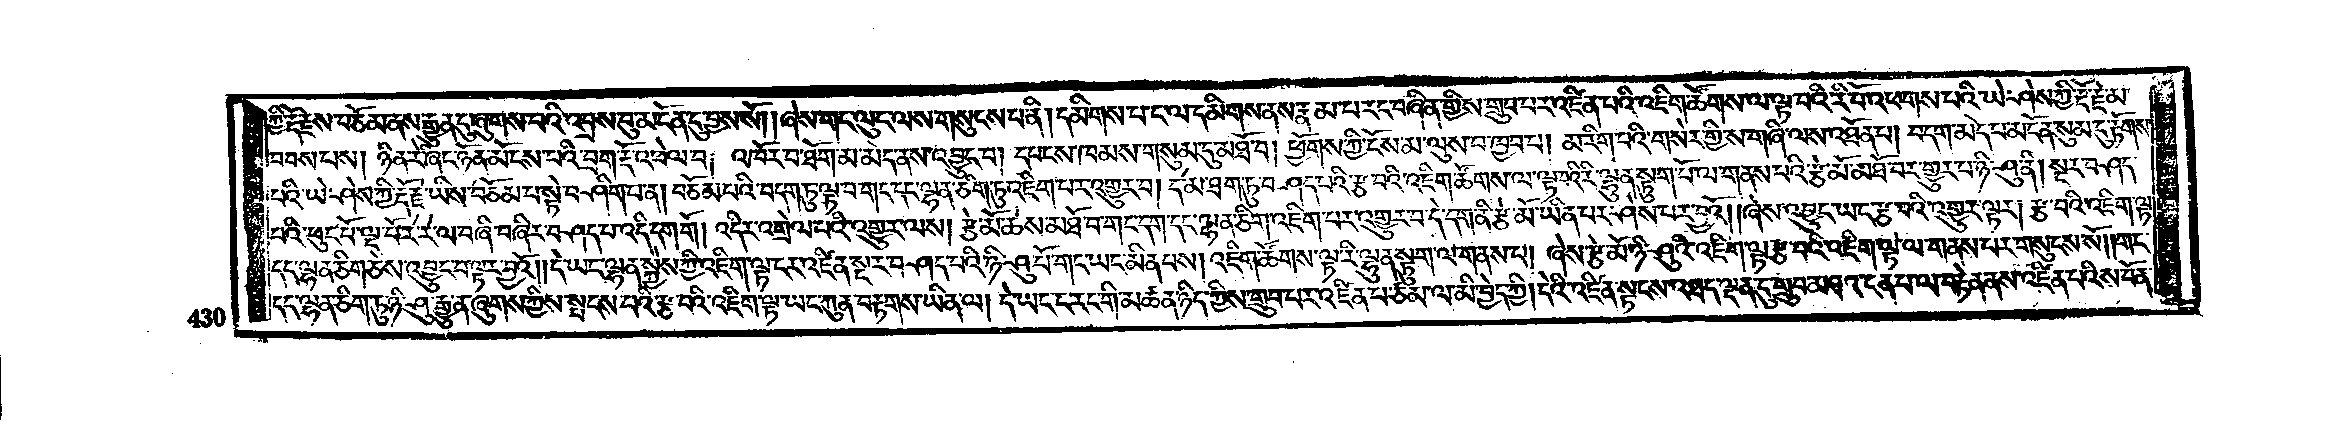ཀྱི་རྡོ་རྗེས་བཅོམ་ནས་རྒྱུན་དུ་ཞུགས་པའི་འབྲས་བུ་མངོན་དུ་བྱས་སོ། །ཞེས་གང་ལུང་ལས་གསུངས་པ་ནི། དམིགས་པ་ང་ལ་དམིགས་ནས་རྣམ་པ་རང་བཞིན་གྱིས་གྲུབ་པར་འཛིན་པའི་འཇིག་ཚོགས་ལ་ལྟ་བའི་རི་བོ་འཕགས་པའི་ཡེ་ཤེས་ཀྱི་རྡོ་རྗེ་མ་
བབས་པས། ཉིན་རེ་ཞིང་ཉོན་མོངས་པའི་བྲག་རྡོ་འཕེལ་བ། འཁོར་བ་ཐོག་མ་མེད་ནས་འབྱུང་བ། དཔངས་ཁམས་གསུམ་དུ་མཐོ་བ། ཕྱོགས་ཀྱི་ངོས་མ་ལུས་པ་ཁྱབ་པ། མ་རིག་པའི་གསེར་གྱི་ས་གཞི་ལས་འཐོན་པ། བདག་མེད་པ་མངོན་སུམ་དུ་རྟོགས་
པའི་ཡེ་ཤེས་ཀྱི་རྡོ་རྗེ་ཡིས་བཅོམ་པ་སྟེ་བཤིག་པ་ན། བཅོམ་པའི་བདག་ཏུ་ལྟ་བ་གང་དང་ལྷན་ཅིག་ཏུ་འཇིག་པར་འགྱུར་བ། དེ་མ་ཐག་ཏུ་བཤད་པའི་རྩ་བའི་འཇིག་ཚོགས་ལ་ལྟ་བའི་རི་ལྷུན་སྟུག་པོ་ལ་གནས་པའི་རྩེ་མོ་མཐོ་བར་གྱུར་པ་ཉི་ཤུ་ནི། སྔར་བཤད་
པའི་ཕུང་པོ་ལྔ་པོ་རེ་རེ་ལ་བཞི་བཞིར་བཤད་པ་འདི་དག་གི །འདིར་འགྲེལ་པའི་འགྱུར་ལས། རྩེ་མོ་ཆེས་མཐོ་བ་གང་དག་དང་ལྷན་ཅིག་འཇིག་པར་འགྱུར་བ་དེ་དག་ནི་རྩེ་མོ་ཡིན་པར་ཤེས་པར་བྱའོ། །ཞེས་འབྱུང་ཡང་རྩ་བའི་འགྱུར་ལྟར། རྩ་བའི་འཇིག་ལྟ་
དང་ལྷན་ཅིག་ཅེས་འབྱུང་བ་ལྟར་བྱའོ། །དེ་ཡང་ལྷན་སྐྱེས་ཀྱི་འཇིག་ལྟ་ངར་འཛིན་སྔར་བཤད་པའི་ཉི་ཤུ་པོ་གང་ཡང་མིན་པས། འཇིག་ཚོགས་ལྟ་རི་ལྷུན་སྟུག་ལ་གནས་པ། ཞེས་རྩེ་མོ་ཉི་ཤུའི་འཇིག་ལྟ་རྩ་བའི་འཇིག་ལྟ་ལ་གནས་པར་གསུངས་སོ། །གང་
དང་ལྷན་ཅིག་ཏུ་ཉི་ཤུ་རྒྱུན་ཞུགས་ཀྱིས་སྤངས་པའི་རྩ་བའི་འཇིག་ལྟ་ཡང་ཀུན་བརྟགས་ཡིན་ལ། དེ་ཡང་དེ་རང་གི་མཚན་ཉིད་ཀྱིས་གྲུབ་པར་འཛིན་པ་ཙམ་ལ་མི་བྱེད་ཀྱི། དེའི་འཛིན་སྟངས་འཐད་ལྡན་དུ་གྲུབ་མཐའ་ངན་པ་ལ་བརྟེན་ནས་འཛིན་པའི་ས་བོན་